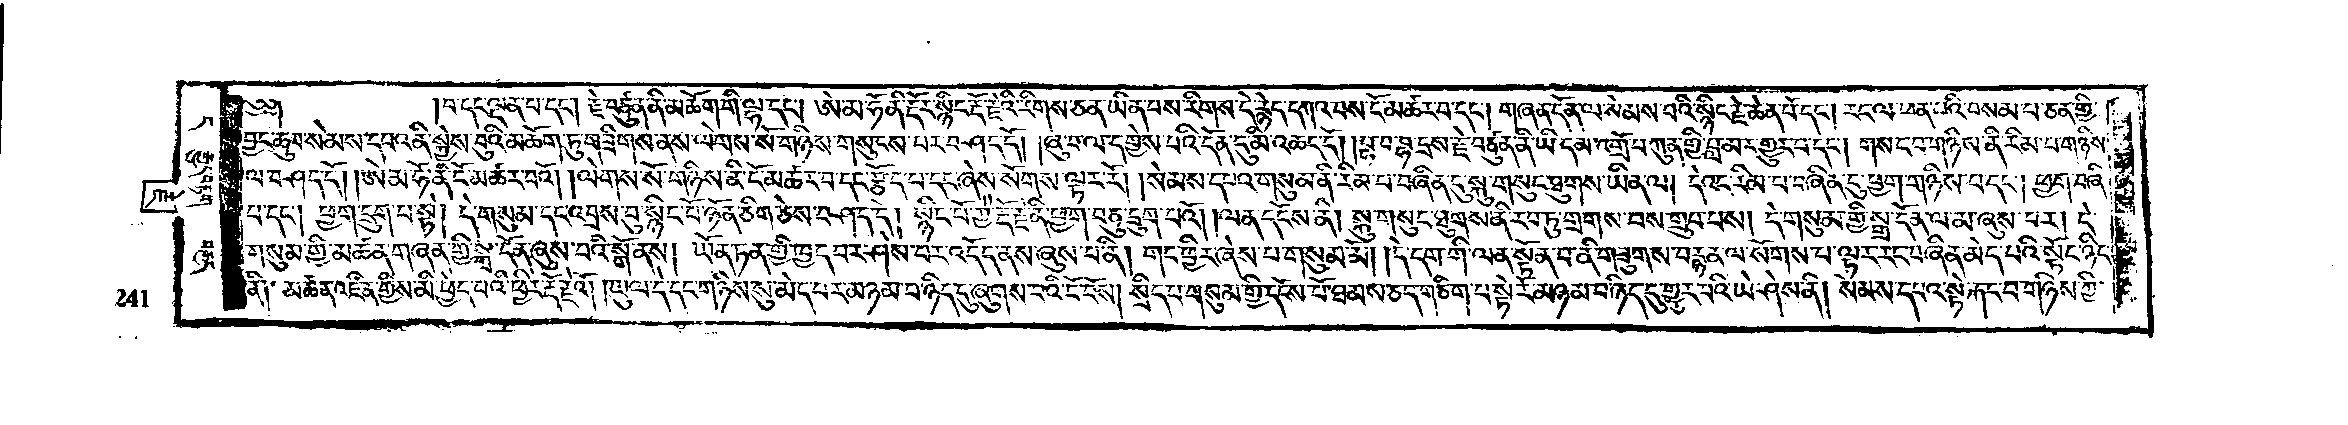༄༅། །བ་དང་ལྡན་པ་དང་། རྗེ་བཙུན་ནི་མཆོག་གི་ལྷ་དང་། ཨེ་མ་ཧོ་ནི་རྡོར་སྙིང་རྡོ་རྗེའི་རིགས་ཅན་ཡིན་པས་རིགས་དེ་རྙེད་དཀའ་བས་ངོ་མཚར་བ་དང་། གཞན་དོན་ལ་སེམས་པའི་སྙིང་རྗེ་ཆེན་པོ་དང་། རང་ལ་ཕན་པའི་བསམ་པ་ཅན་གྱི་
བྱང་ཆུབ་སེམས་དཔའ་ནི་སྐྱེས་བུའི་མཆོག་ཏུ་གཟིགས་ནས་ལེགས་སོ་གཉིས་གསུངས་པར་བཤད་དོ། །ཞུ་བ་ལ་དགྱེས་པའི་དོན་དུ་མི་འཆད་དོ། །བྷ་བ་བྷ་དྲས་རྗེ་བཙུན་ནི་ཡི་དམ་འགྲོ་བ་ཀུན་གྱི་བླ་མར་གྱུར་པ་དང་། གསང་བ་གཉིས་ནི་རིམ་པ་གཉིས་
ལ་བཤད་དོ། །ཨེ་མ་ཧོ་ནི་ངོ་མཚར་བའོ། །ལེགས་སོ་གཉིས་ནི་ངོ་མཚར་བ་དང་རྩོད་པ་དང་ཞེས་སོགས་ལྟར་རོ། །སེམས་དཔའ་གསུམ་ནི་རིམ་པ་བཞིན་དུ་སྐུ་གསུང་ཐུགས་ཡིན་ལ། དེའང་རིམ་པ་བཞིན་དུ་ཕྱག་གཉིས་པ་དང་། ཕྱག་བཞི་
པ་དང་། ཕྱག་དྲུག་པ་སྟེ། དེ་གསུམ་དང་འབྲས་བུ་སྙིང་པོ་ཉོན་ཅིག་ཅེས་བཤད་དེ། སྙིང་པོ་ཀྱཻ་རྡོ་རྗེ་ནི་ཕྱག་བཅུ་དྲུག་པའོ། །ལན་དངོས་ནི། སྐུ་གསུང་ཐུགས་ནི་རབ་ཏུ་གྲགས་བས་གྲུབ་པས། དེ་གསུམ་གྱི་སྒྲ་དོན་ལ་མ་ཞུས་པར། དེ་
གསུམ་གྱི་མཚན་གཞན་གྱི་སྒྲ་དོན་ཞུས་པའི་སྒོ་ནས། ཡོན་ཏན་གྱི་ཁྱད་པར་ཤེས་པར་འདོད་ནས་ཞུས་པ་ནི། གང་ཕྱིར་ཞེས་པ་གསུམ་མོ། །དེ་དག་གི་ལན་སྟོན་པ་ནི་གཟུགས་བརྙན་ལ་སོགས་པ་ལྟར་རང་བཞིན་མེད་པའི་སྟོང་ཉིད་
ནི། མཚན་འཛིན་གྱིས་མི་ཕྱེད་པའི་ཕྱིར་རྡོ་རྗེའོ། །ཡུལ་དེ་དང་གཉིས་སུ་མེད་པར་མཉམ་པ་ཉིད་དུ་ཞུགས་པའི་ངོ་བོས། སྲིད་པ་གསུམ་གྱི་དངོས་པོ་ཐམས་ཅད་གཅིག་པ་སྟེ་རོ་མཉམ་པ་ཉིད་དུ་གྱུར་པའི་ཡེ་ཤེས་ནི། སེམས་དཔའ་སྟེ་རྐང་པ་གཉིས་ཀྱི་